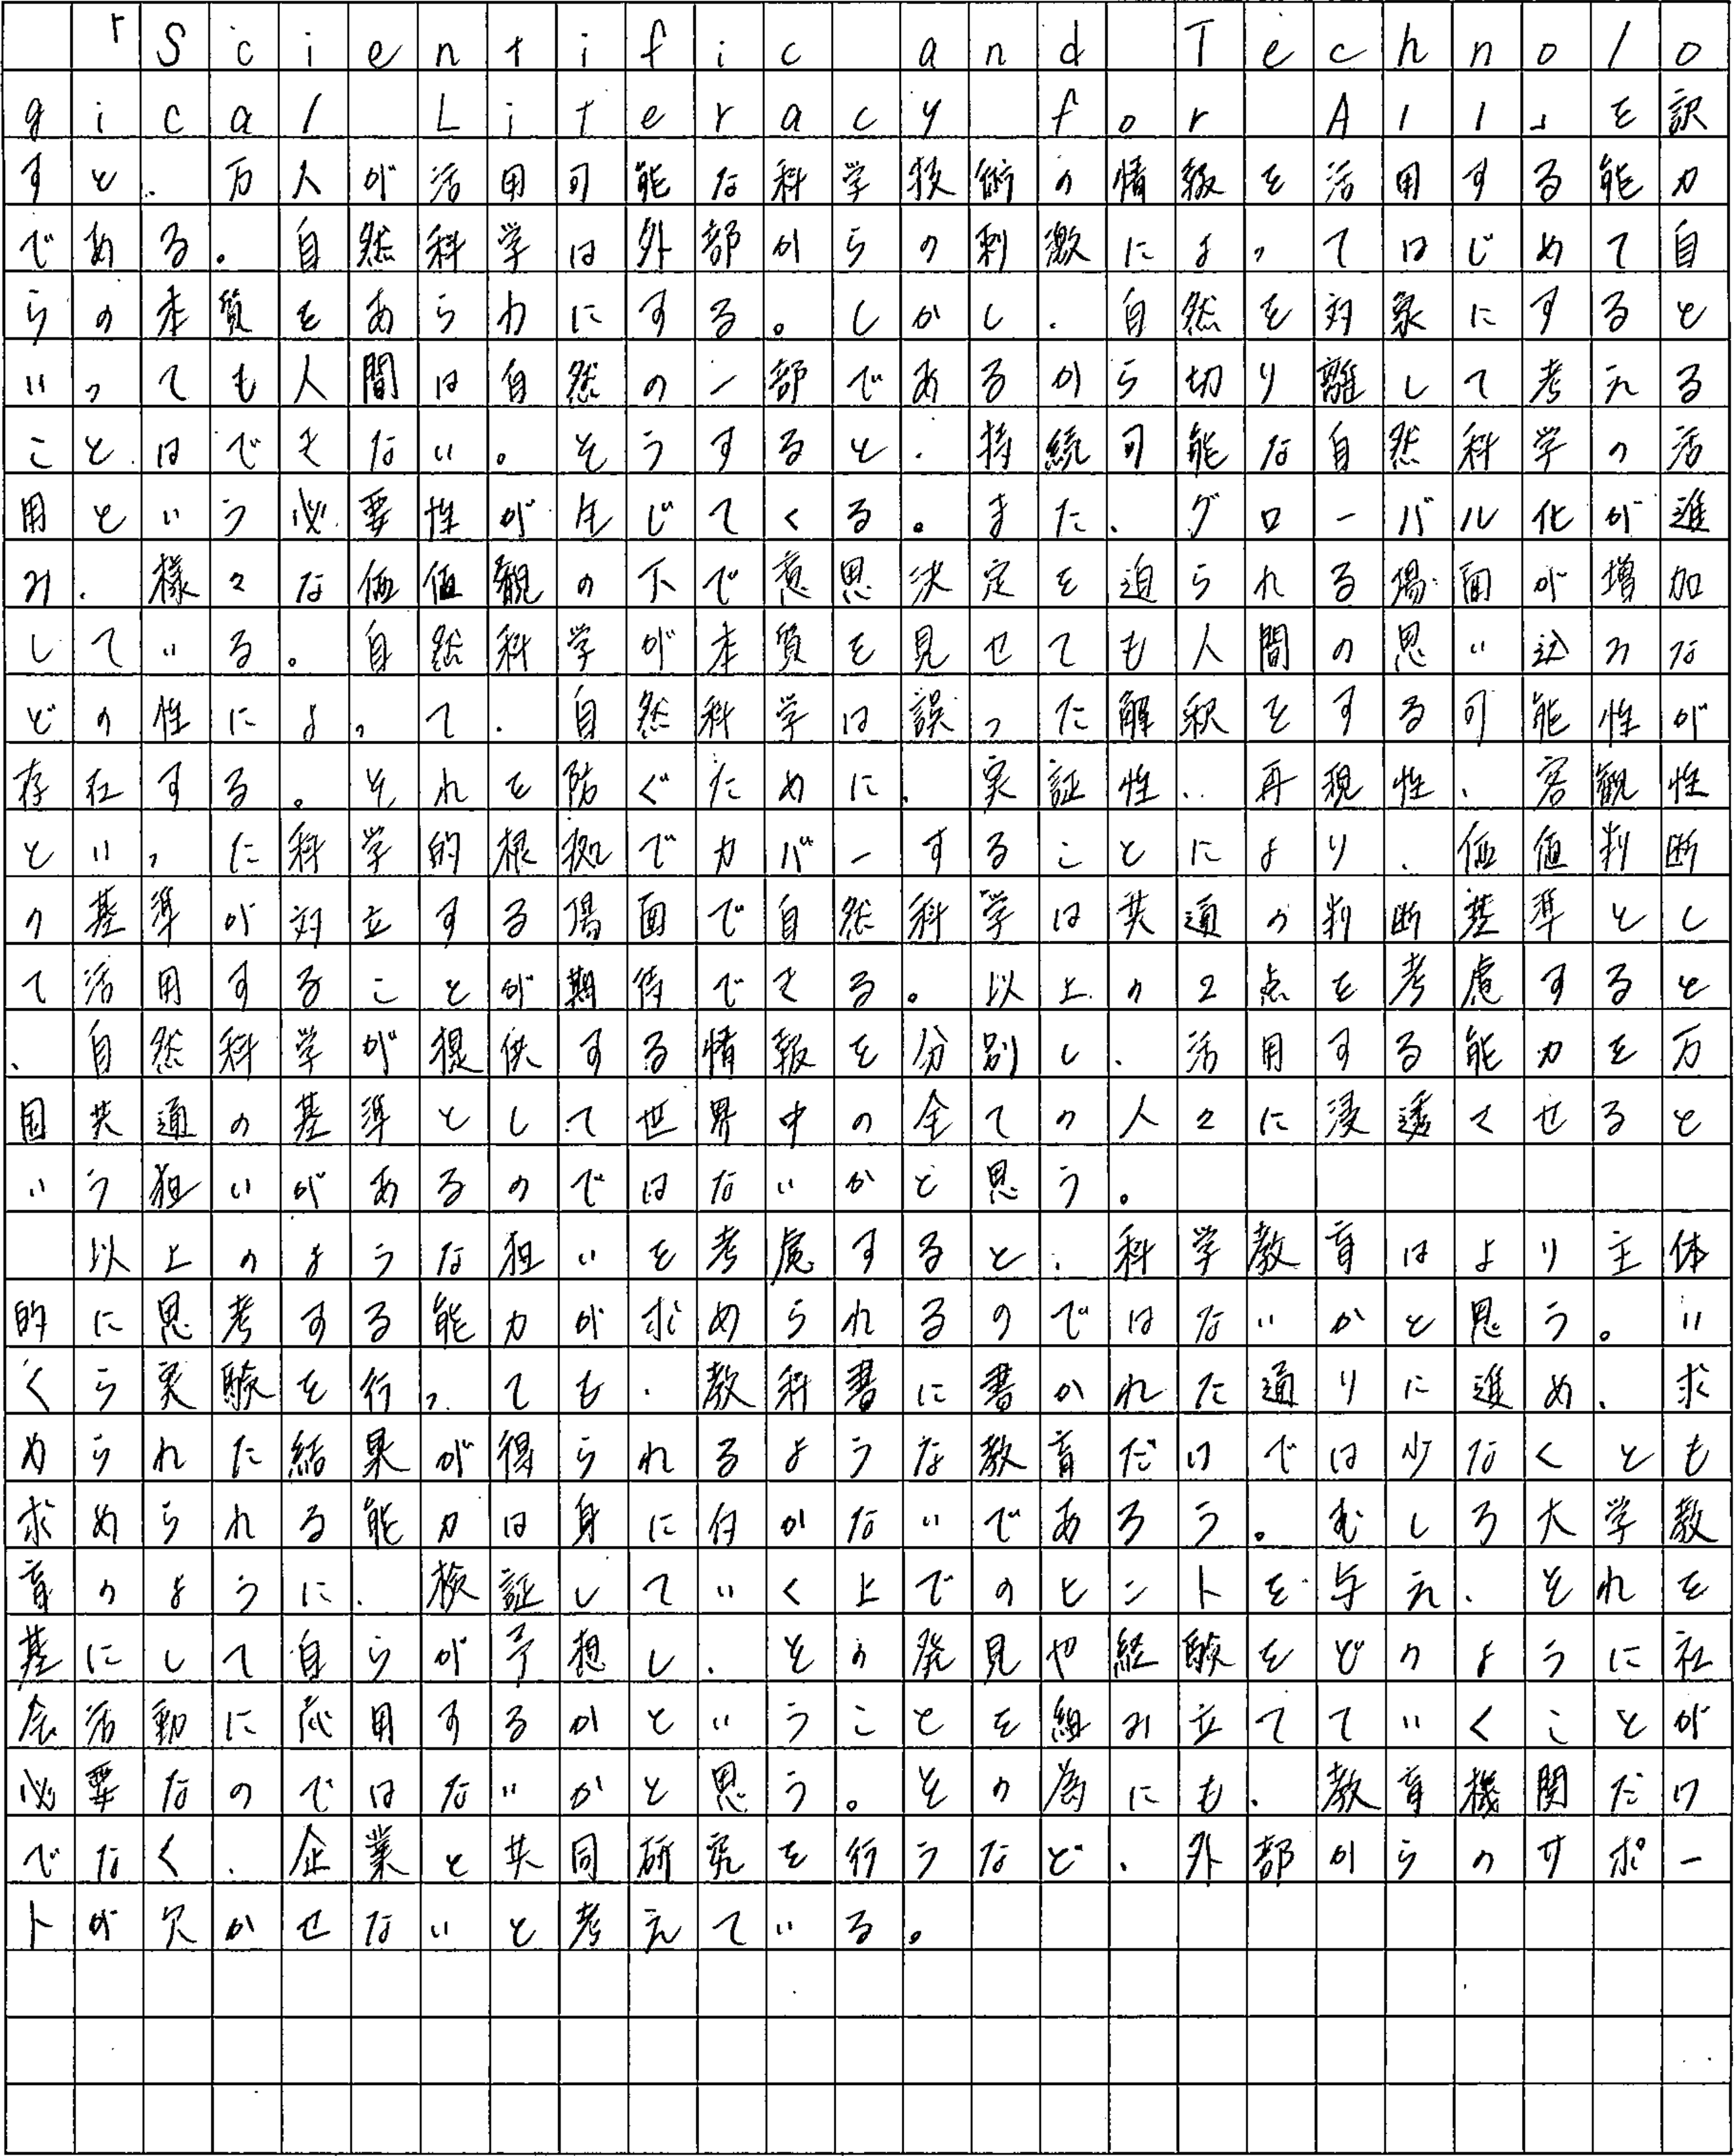　「Ｓｃｉｅｎｔｉｆｉｃ　ａｎｄ　Ｔｅｃｈｎｏｌｏｇｉｃａｌ　Ｌｉｔｅｒａｃｙ　ｆｏｒ　Ａｌｌ」を訳すと、万人が活用可能な科学技術の情報を活用する能力である。自然科学は外部からの刺激によってはじめて自らの本質をあらわにする。しかし、自然を対象にするといっても人間は自然の一部であるから切り離して考えることはできない。そうすると、持続可能な自然科学の活用という必要性が生じてくる。また、グローバル化が進み、様々な価値観の下で意思決定を迫られる場面が増加している。自然科学が本質を見せても人間の思い込みなどの性によって、自然科学は誤った解釈をする可能性が存在する。それを防ぐために、実証性、再現性、客観性といった科学的根拠でカバーすることにより、価値判断の基準が対立する場面で自然科学は共通の判断基準として活用することが期待できる。以上の２点を考慮すると、自然科学が提供する情報を分別し、活用する能力を万国共通の基準として世界中の全ての人々に浸透させるという狙いがあるのではないかと思う。
　以上のような狙いを考慮すると、科学教育はより主体的に思考する能力が求められるのではないかと思う。いくら実験を行っても、教科書に書かれた通りに進め、求められた結果が得られるような教育だけでは少なくとも求められる能力は身に付かないであろう。むしろ大学教育のように、検証していく上でのヒントを与え、それを基にして自らが予想し、その発見や経験をどのように社会活動に応用するかということを組み立てていくことが必要なのではないかと思う。その為にも、教育機関だけでなく、企業と共同研究を行うなど、外部からのサポートが欠かせないと考えている。
